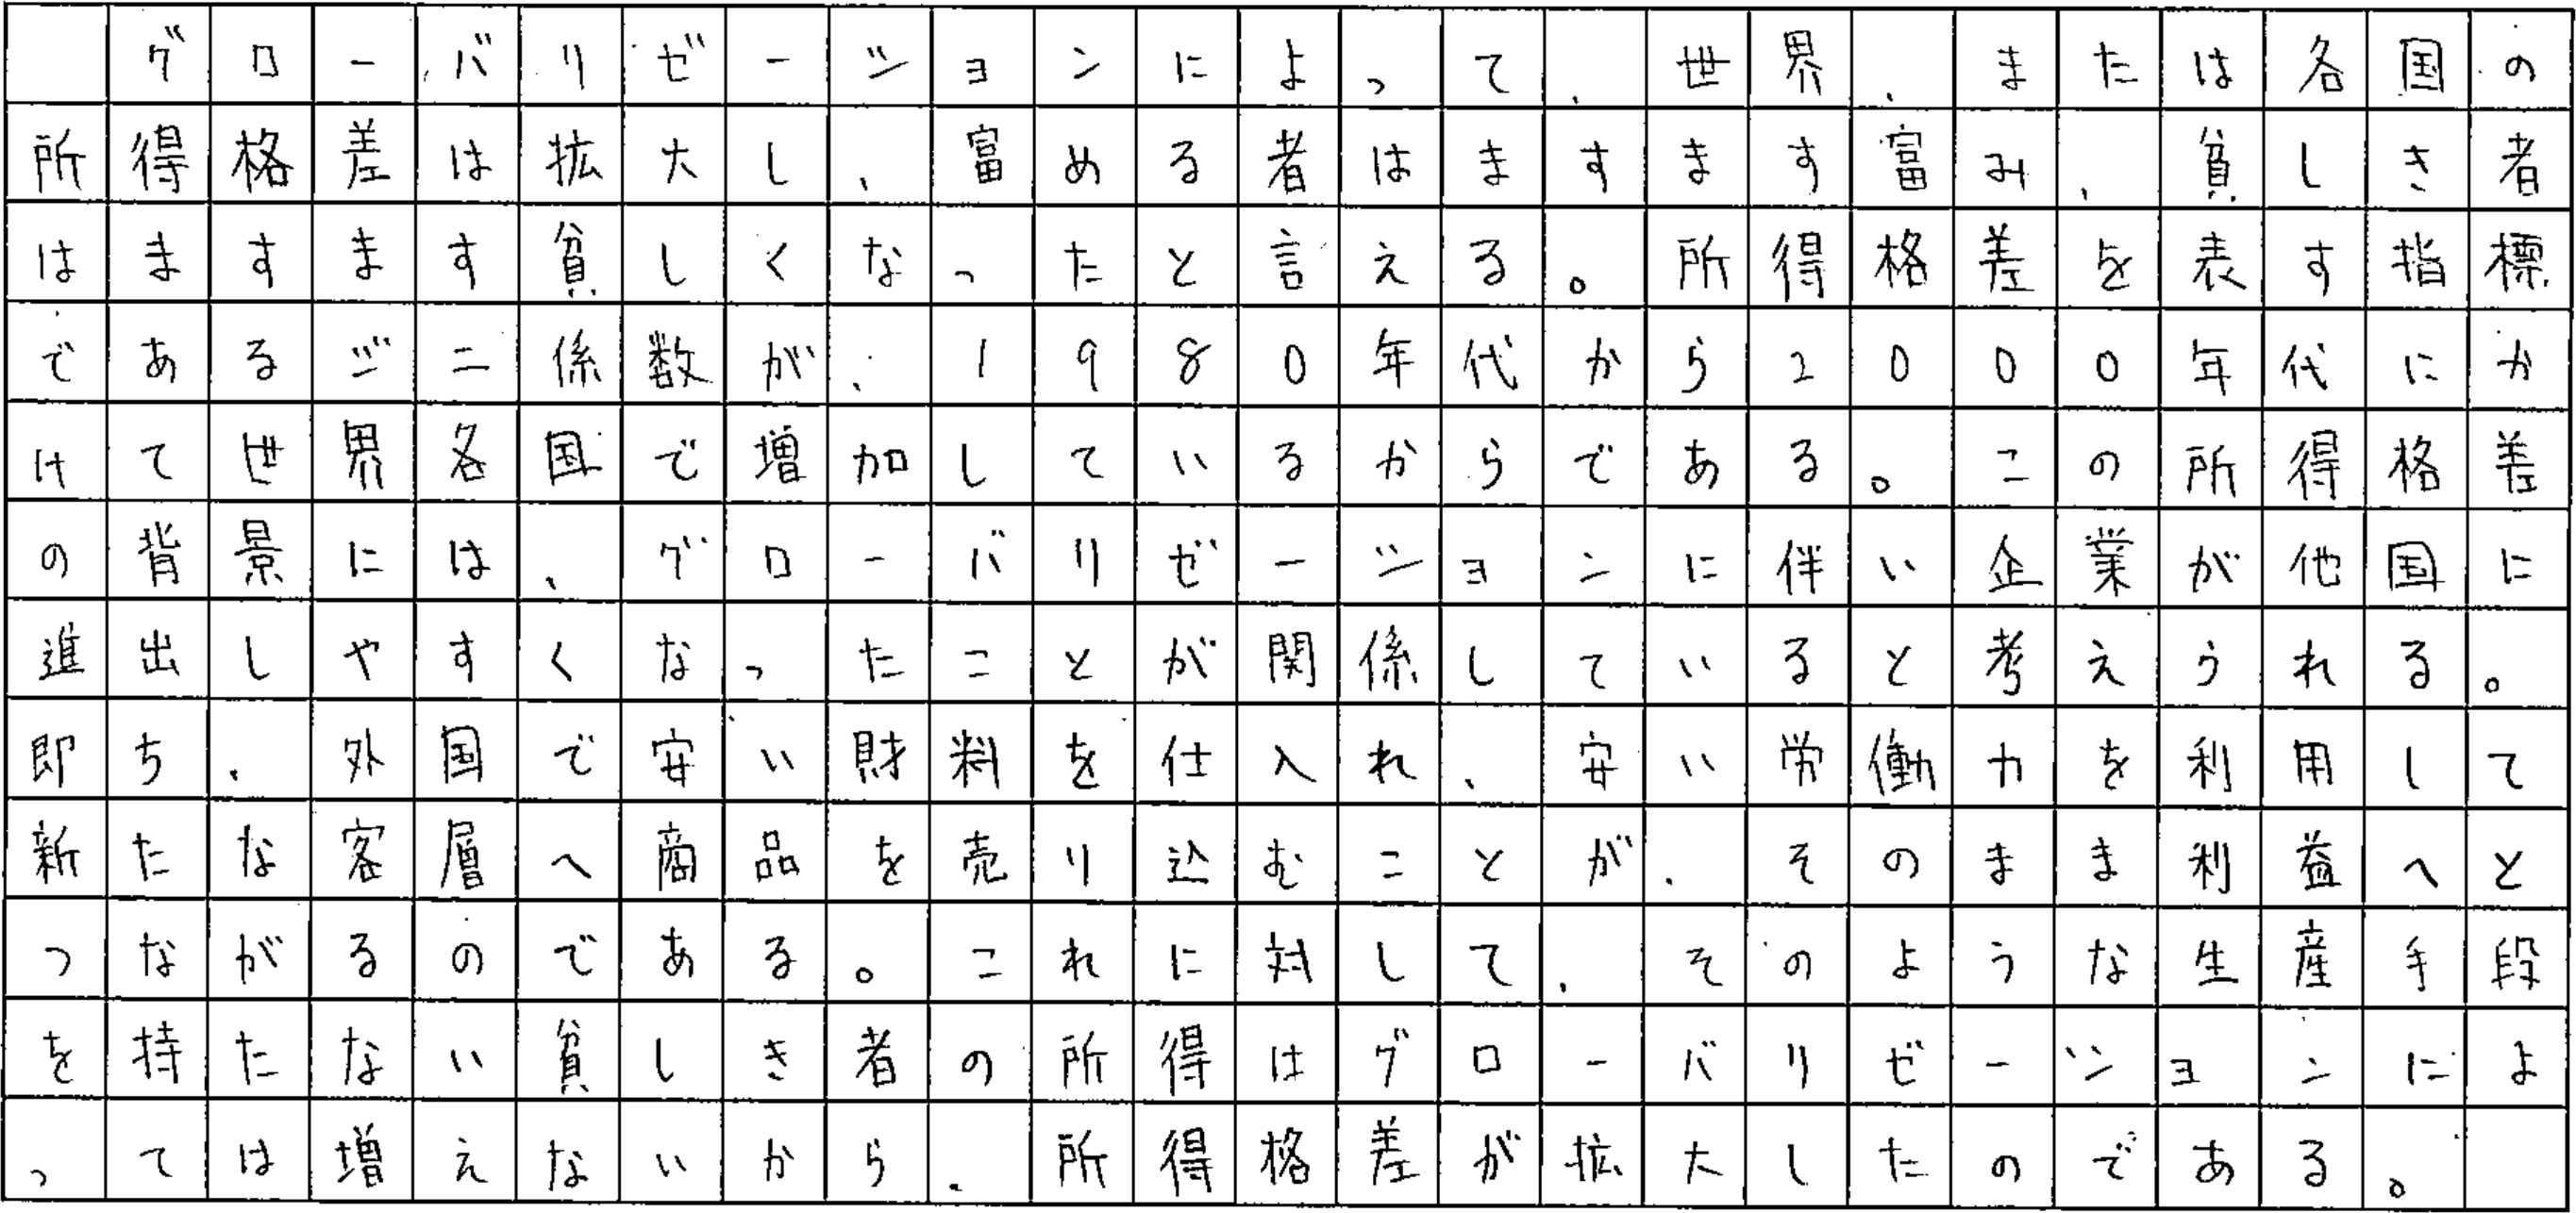　グローバリゼーションによって、世界、または各国の所得格差は拡大し、富める者はますます富み、貧しき者はますます貧しくなったと言える。所得格差を表す指標であるジニ係数が、１９８０年代から２０００年代にかけて世界各国で増加しているからである。この所得格差の背景には、グローバリゼーションに伴い企業が他国に進出しやすくなったことが関係していると考えられる。即ち、外国で安い財料を仕入れ、安い労働力を利用して新たな客層へ商品を売り込むことが、そのまま利益へとつながるのである。これに対して、そのような生産手段を持たない貧しき者の所得はグローバリゼーションによっては増えないから、所得格差が拡大したのである。
